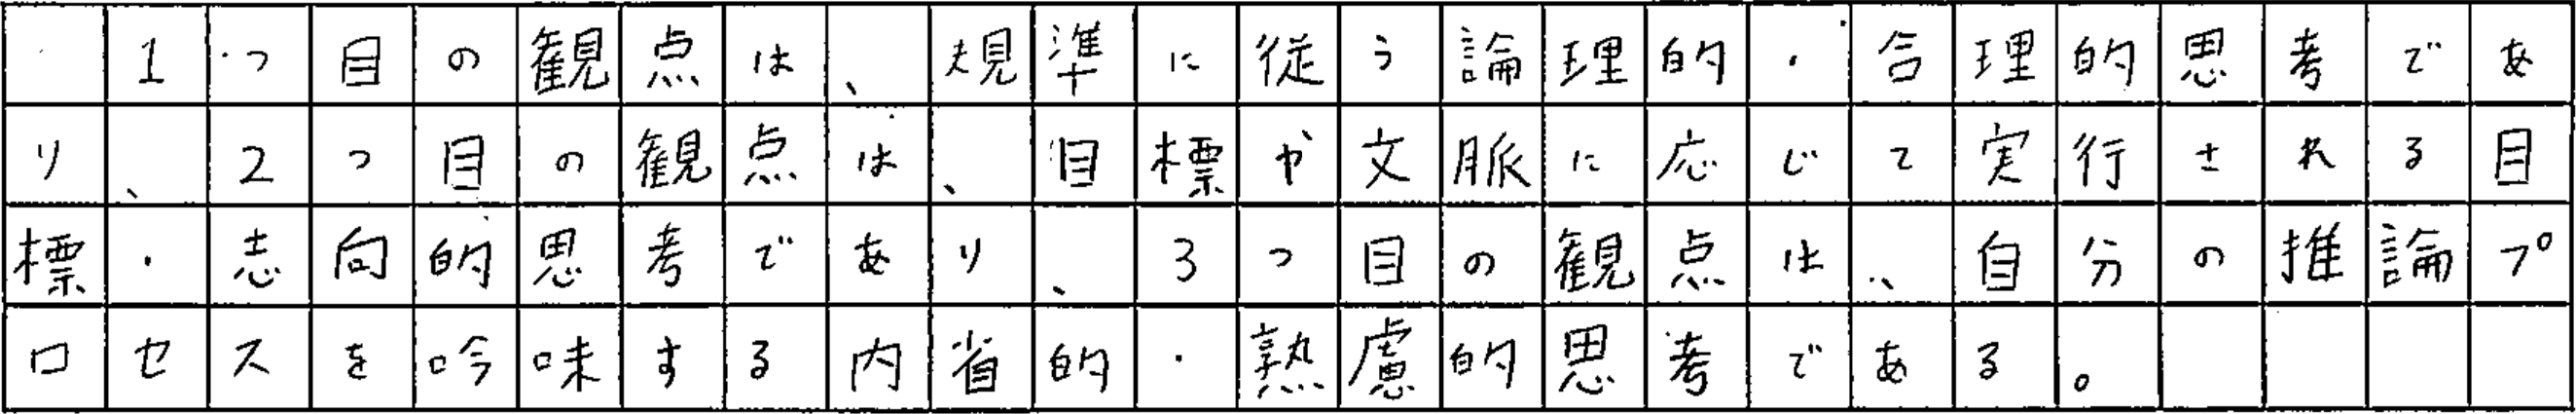　１つ目の観点は、規準に従う論理的・合理的思考であり、２つ目の観点は、目標や文脈に応じて実行される目標・志向的思考であり、３つ目の観点は、自分の推論プロセスを吟味する内省的・熟慮的思考である。
